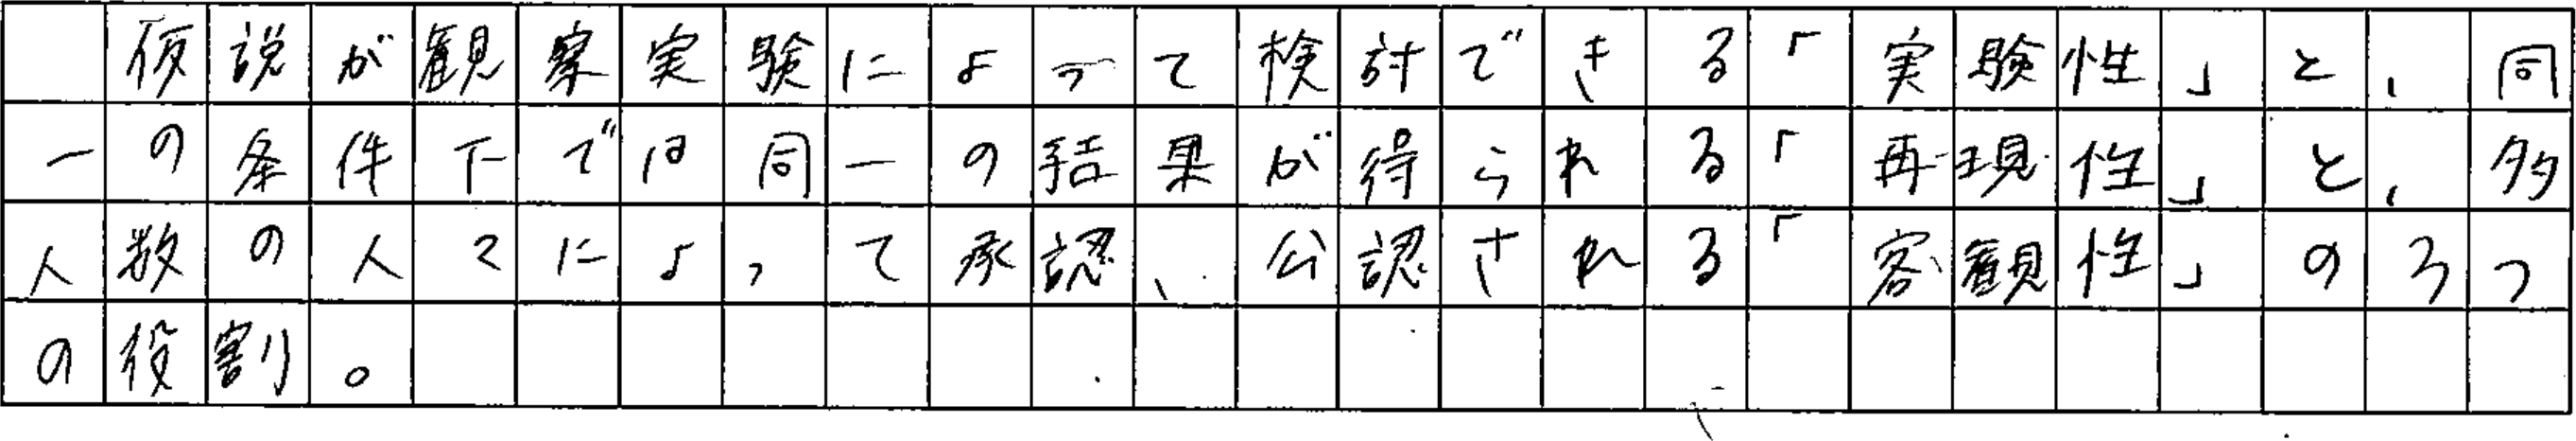　仮説が観察実験によって検討できる「実験性」と、同一の条件下では同一の結果が得られる「再現性」と、多人数の人々によって承認、公認される「客観性」の３つの役割。
